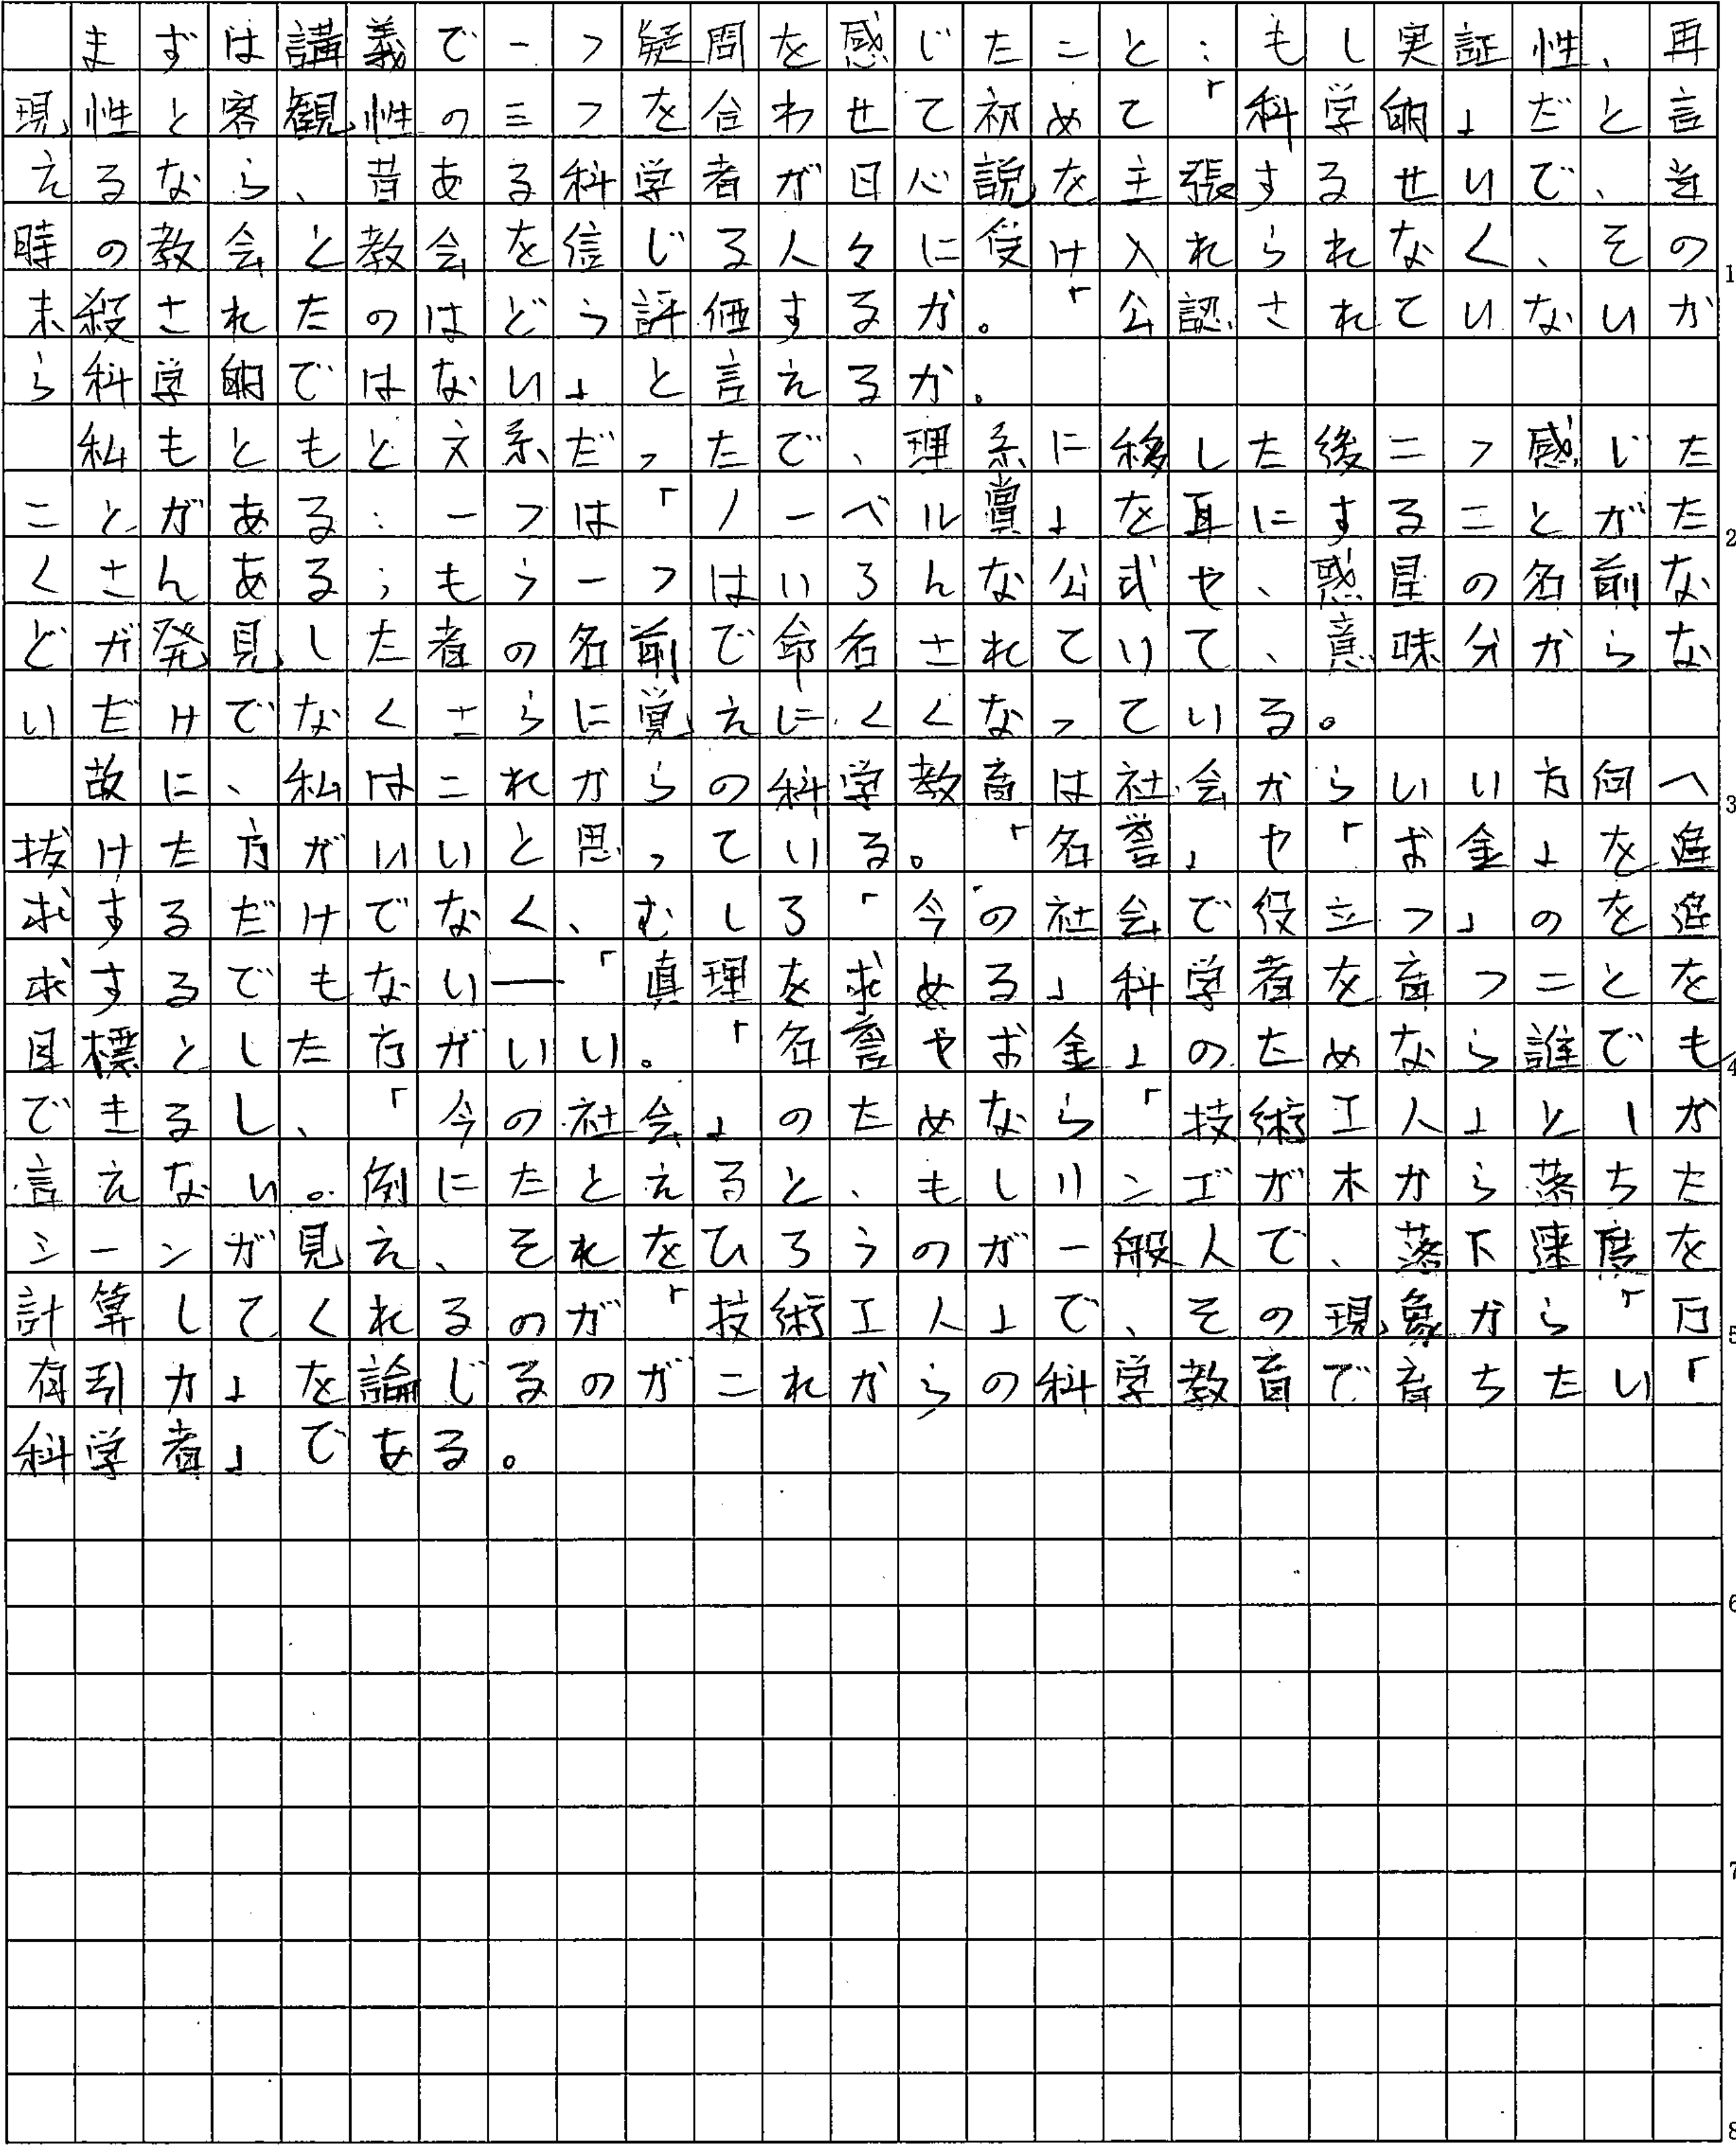　まずは講義で一つ疑問を感じたこと：もし実証性、再現性と客観性の三つを合わせて▁めて「科学的」だと言えるなら、昔ある科学者が日心説を主張するせいで、当時の教会と教会を信じる人々に受け入れられなく、その末殺されたのはどう評価するか。「公認されていないから科学的ではない」と言えるか。
　私もともと文系だったで、理系に移した後二つ感じたことがある：一つは「ノーベル賞」を耳にすることがたくさんある；もう一つはいろんな公式や、惑星の名前などが発見した者の名前で命名されていて、意味分からないだけでなくさらに覚えにくくなっている。
　故に、私はこれからの科学教育は社会からいい方向へ▁けた方がいいと思っている。「名誉」や「お金」を追求するだけでなく、むしろ「今の社会で役立つ」のを追求するでもない―「眞理を求める」科学者を育つことを目標とした方がいい。「名誉やお金」のためなら誰でもできるし、「今の社会」のためなら「技術工人」としか言えない。例にたとえると、もしリンゴが木から落ちたシーンが見え、それをひろうのが一般人で、落下速度を計算してくれるのが「技術工人」、その現象から「万有引力」を論じるのがこれからの科学教育で育ちたい「科学者」である。
